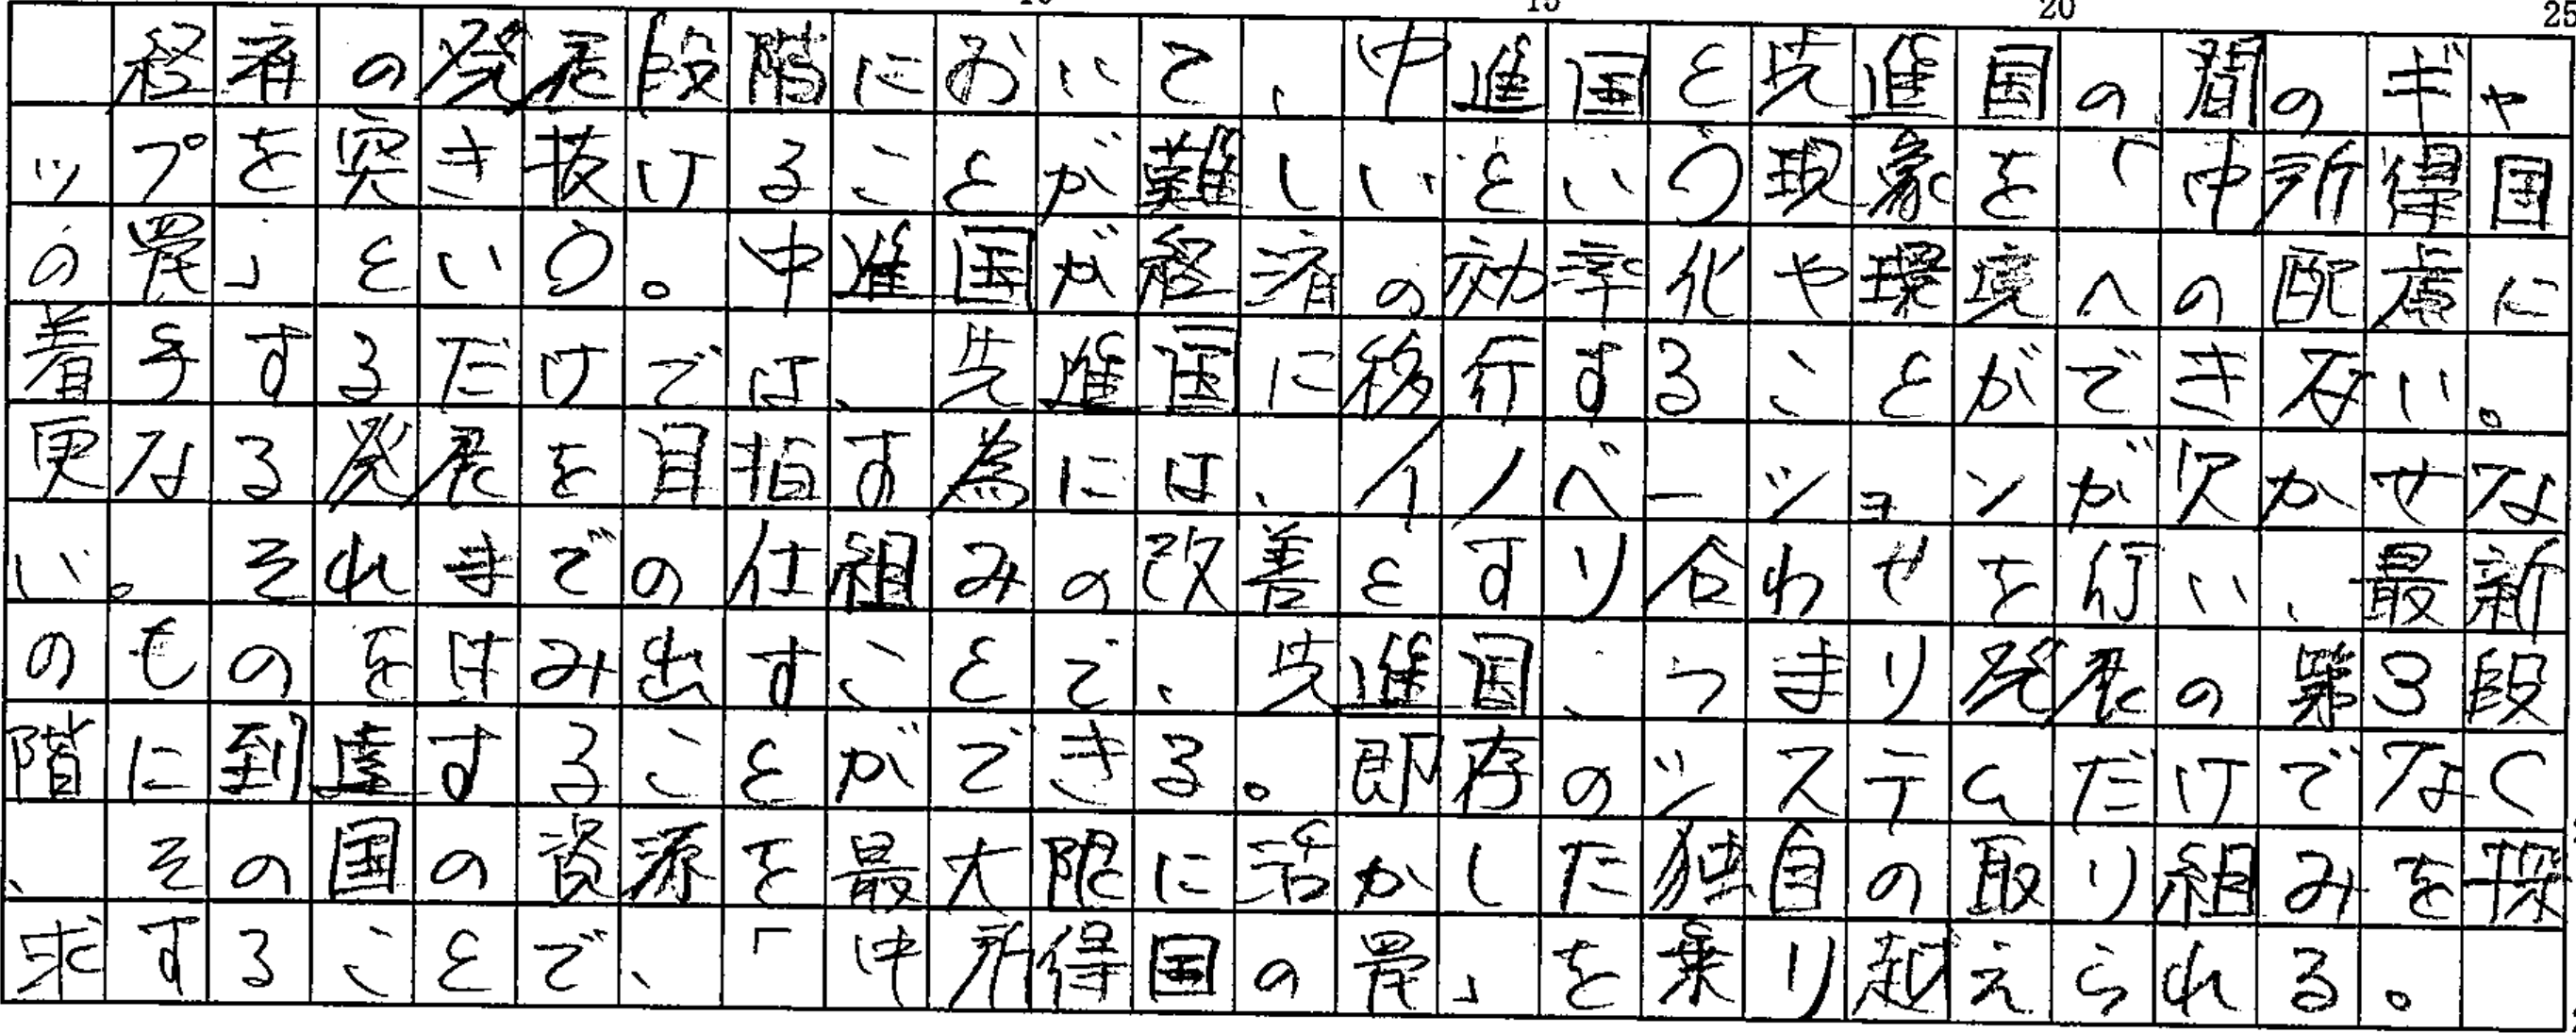　経済の発表段階において、中進国と先進国の間のギャップを突き抜けることが難しいという現象を「中所得国の罠」という。中進国が経済の効率化や環境への配慮に着手するだけでは、先進国に移行することができない。更なる発展を目指す為には、イノベーションが欠かせない。それまでの仕組みの改善とすり合わせを行い、最新のものを生み出すことで、先進国、つまり発展の第３段階に到達することができる。即存のシステムだけでなく、その国の資源を最大限に活かした独自の取り組みを探求することで、「中所得国の罠」を乗り越えられる。
